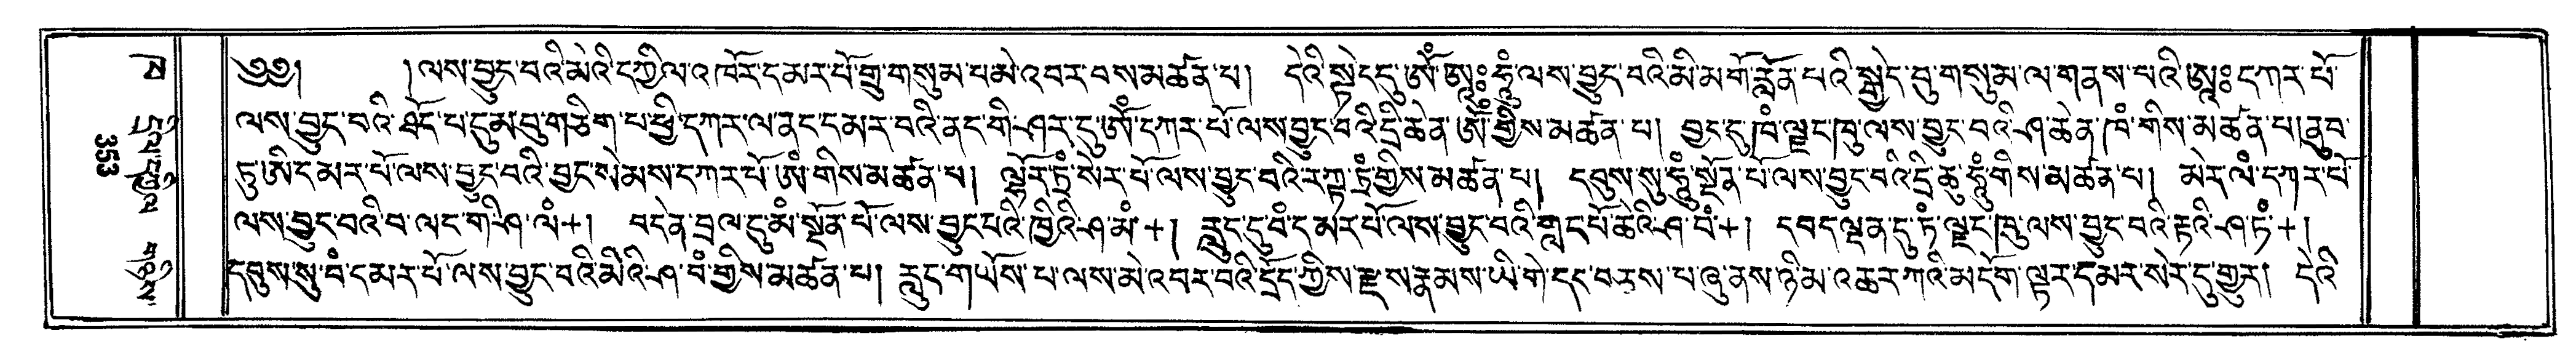༄༅། །ལས་བྱུང་བའི་མེའི་དཀྱིལ་འཁོར་དམར་པོ་གྲུ་གསུམ་པ་མེ་འབར་བས་མཚན་པ། དེའི་སྟེང་དུ་ཨོཾ་ཨཱཿ ཧཱུཾ་ལས་བྱུང་བའི་མི་མགོ་རློན་པའི་སྒྱེད་བུ་གསུམ་ལ་གནས་པའི་ཨཱཿ དཀར་པོ་
ལས་བྱུང་བའི་ཐོད་པ་དུམ་བུ་གཅིག་པ་ཕྱི་དཀར་ལ་ནང་དམར་བའི་ནང་གི་ཤར་དུ་ཨོཾ་དཀར་པོ་ལས་བྱུང་བའི་དྲི་ཆེན་ཨོཾ་གྱིས་མཚན་པ། བྱང་དུ་ཁཾ་ལྗང་ཁུ་ལས་བྱུང་བའི་ཤ་ཆེན་ཁཾ་གིས་མཚན་པ། ནུབ་
ཏུ་ཨཾ་དམར་པོ་ལས་བྱུང་བའི་བྱང་སེམས་དཀར་པོ་ཨཾ་གིས་མཚན་པ། ལྷོར་ཏྲཾ་སེར་པོ་ལས་བྱུང་བའི་རཀྟ་ཏྲཾ་གྱིས་མཚན་པ། དབུས་སུ་ཧཱུཾ་སྔོན་པོ་ལས་བྱུང་བའི་དྲི་ཆུ་ཧཱུཾ་གིས་མཚན་པ། མེར་ལཾ་དཀར་པོ་
ལས་བྱུང་བའི་བ་ལང་གི་ཤ་ལཾ་+། བདེན་བྲལ་དུ་མཾ་སྔོན་པོ་ལས་བྱུང་བའི་ཁྱིའི་ཤ་མཾ་+། རླུང་དུ་བཾ་དམར་པོ་ལས་བྱུང་བའི་གླང་པོ་ཆེའི་ཤ་པཾ+། དབང་ལྡན་དུ་ཏཾ་ལྗང་ཁུ་ལས་བྱུང་བའི་རྟའི་ཤ་ཏཾ་+།
དབུས་སུ་བཾ་དམར་པོ་ལས་བྱུང་བའི་མིའི་ཤ་བཾ་གྱིས་མཚན་པ། རླུང་གཡོས་པ་ལས་མེ་འབར་བའི་དྲོད་ཀྱིས་རྫས་རྣམས་ཡི་གེ་དང་བཅས་པ་ཞུ་ནས་ཉི་མ་འཆར་ཀའི་མདོག་ལྟར་དམར་སེར་དུ་གྱུར། དེའི་